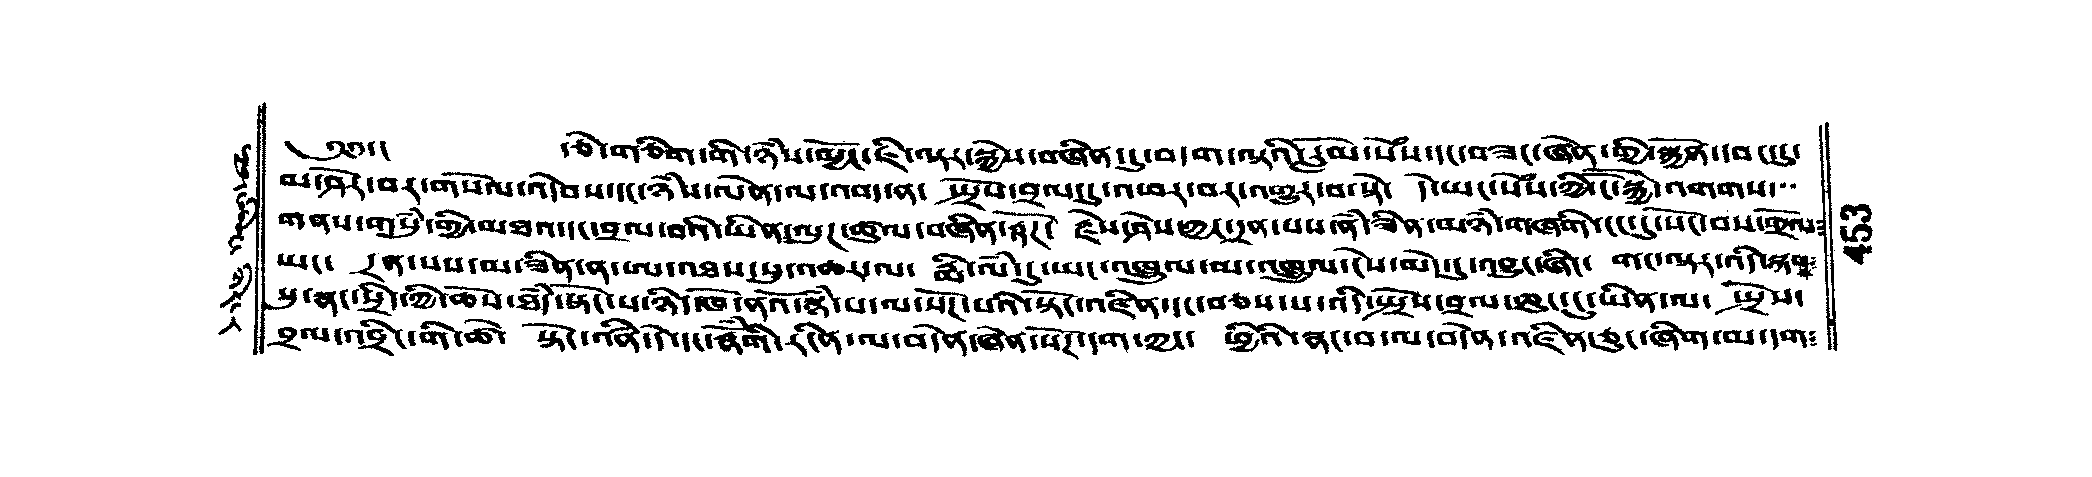རྩེ་གཅིག་གི་ཉམས་མྱོང་ཇི་ལྟར་སྐྱེས་བཞིན་དུ་བདག་ལྟའི་རློམ་སེམས་དང་བཟང་ཞེན་གྱི་སྐྱོན་དབང་དུ་
མ་ཤོར་བར་གསོལ་འདེབས་དང་ཉམས་ལེན་ལ་འབད་ན། སྤྲོས་བྲལ་དུ་འཕར་བར་འགྱུར་བ་སྟེ། དེ་ཡང་སེམས་ཀྱི་ངོ་བོ་སྐྱེ་འགགས་
གནས་གསུམ་གྱི་མཐའ་དང་བྲལ་བའི་ཡིན་ལུགས་ཚུལ་བཞིན་རྟོགས། རྗེས་ཤེས་ཀྱང་དྲན་པས་ནམ་ཟིན་མཉམ་བཞག་གི་ངང་དུ་སོང་བས་གྲོལ་
ཡང་། དྲན་པས་མ་ཟིན་ན་ཨ་འཐས་སུ་འཆར་ལ། རྨི་ལམ་དུ་ཡང་འཁྲུལ་མ་འཁྲུལ་ངེས་མེད་དུ་འབྱུང་ཞིང་། གང་ལྟར་འདི་སྐབས་
སུ་སྣང་སྲིད་ཀྱི་ཆོས་ཐམས་ཅད་སྟོང་པ་ཉིད་ཁོ་ནའོ་སྙམ་པ་ལ་སོགས་པའི་སྟོང་འཛིན་དང་བཅས་པ་འདི་སྤྲོས་བྲལ་ཆུང་ངུ་ཡིན་ལ། སྤྲོས་
བྲལ་འབྲིང་གི་ཚེ། སྟོང་འཛིན་དེ་དང་རྣམ་རྟོག་གི་རང་བཞིན་ལ་བདེན་ཞེན་སོགས་དག་ཀྱང་། ཕྱིའི་སྣང་བ་ལ་བདེན་འཛིན་ཅུང་ཞིག་མ་དག་